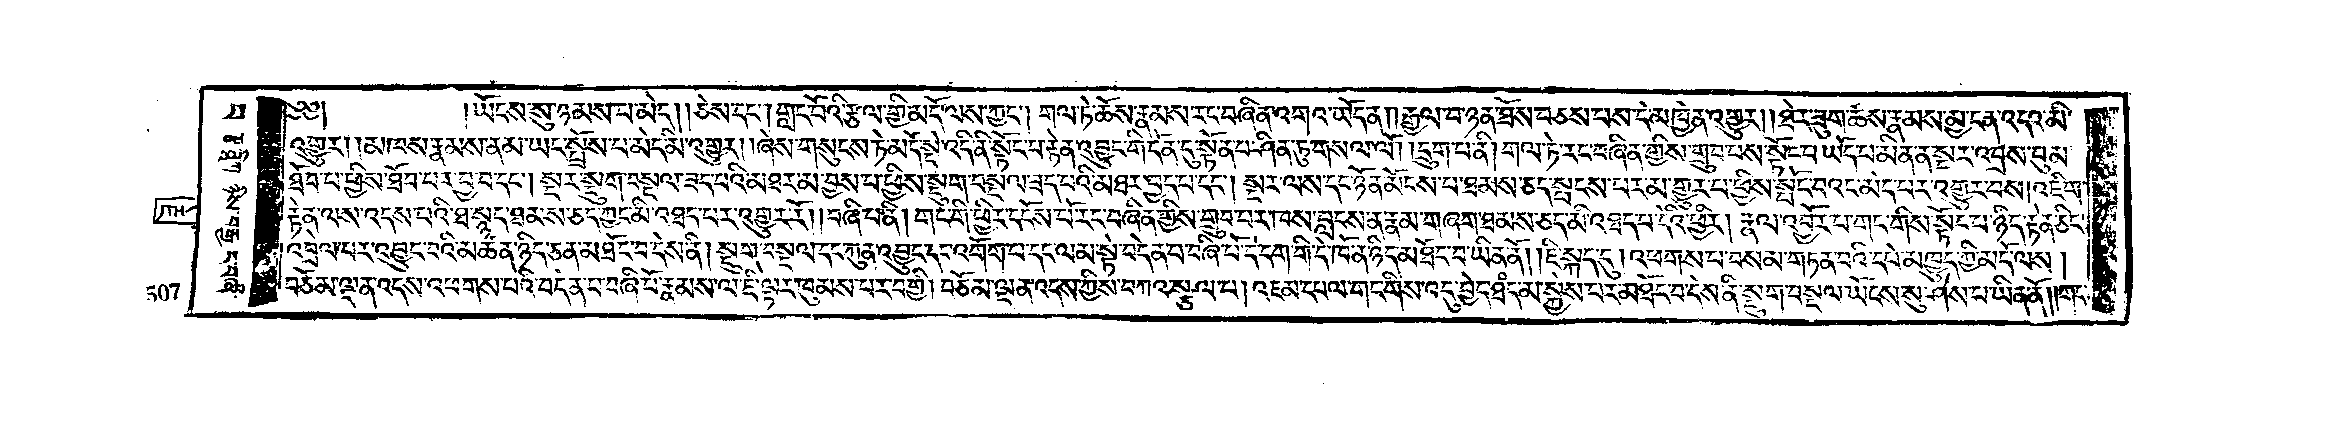༄༅། །ཡོངས་སུ་ཉམས་པ་མེད། །ཅེས་དང་། གླང་པོའི་རྩལ་གྱི་མདོ་ལས་ཀྱང་། གལ་ཏེ་ཆོས་རྣམས་རང་བཞིན་འགའ་ཡོད་ན། །རྒྱལ་བ་ཉན་ཐོས་བཅས་པས་དེ་མཁྱེན་འགྱུར། །ཐེར་ཟུག་ཆོས་རྣམས་མྱ་ངན་འདའ་མི་
འགྱུར། །མཁས་རྣམས་ནམ་ཡང་སྤྲོས་པ་མེད་མི་འགྱུར། །ཞེས་གསུངས་ཏེ་མདོ་སྡེ་འདི་ནི་སྟོང་པ་རྟེན་འབྱུང་གི་དོན་དུ་སྟོན་པ་ཤིན་ཏུ་གསལ་ལོ། །དྲུག་པ་ནི། གལ་ཏེ་རང་བཞིན་གྱིས་གྲུབ་པས་སྟོང་པ་ཡོད་པ་མིན་ན་སྔར་འབྲས་བུ་མ་
ཐོབ་པ་ཕྱིས་ཐོབ་པར་བྱ་བ་དང་། སྔར་སྡུག་བསྔལ་ཟད་པའི་མཐར་མ་བྱས་པ་ཕྱིས་སྡུག་བསྔལ་ཟད་པའི་མཐར་བྱད་པ་དང་། སྔར་ལས་དང་ཉོན་མོངས་པ་ཐམས་ཅད་སྤངས་པར་མ་གྱུར་པ་ཕྱིས་སྤོང་བའང་མེད་པར་འགྱུར་པས། འཇིག་
རྟེན་ལས་འདས་པའི་ཐ་སྙད་ཐམས་ཅད་ཀྱང་མི་འཐད་པར་འགྱུར་རོ། །བཞི་པ་ནི། གང་གི་ཕྱིར་དངོས་པོ་རང་བཞིན་གྱིས་གྲུབ་པར་ཁས་བླངས་ན་རྣམ་གཞག་ཐམས་ཅད་མི་འཐད་པ་དེའི་ཕྱིར། རྣལ་འབྱོར་པ་གང་གིས་སྟོང་པ་ཉིད་རྟེན་ཅིང་
འབྲེལ་པར་འབྱུང་བའི་མཚན་ཉིད་ཅན་མཐོང་བ་དེས་ནི། སྡུག་བསྔལ་དང་ཀུན་འབྱུང་དང་འགོག་པ་དང་ལམ་སྟེ་བདེན་པ་བཞི་པོ་དེ་དག་གི་དེ་ཁོ་ན་ཉིད་མཐོང་བ་ཡིན་ནོ། །ཇི་སྐད་དུ། འཕགས་པ་བསམ་གཏན་པའི་དཔེ་མཁྱུད་ཀྱི་མདོ་ལས།
བཅོམ་ལྡན་འདས་འཕགས་པའི་བདེན་པ་བཞི་པོ་རྣམས་ལ་ཇི་ལྟར་ཁུམས་པར་བགྱི། བཅོམ་ལྡན་འདས་ཀྱིས་བཀའ་སྩལ་པ། འཇམ་དཔལ་གང་གིས་འདུ་བྱེད་ཐཾད་མ་སྐྱེས་པར་མཐོང་བ་དེས་ནི་སྡུག་བསྔལ་ཡོངས་སུ་ཤེས་པ་ཡིན་ནོ། །གང་